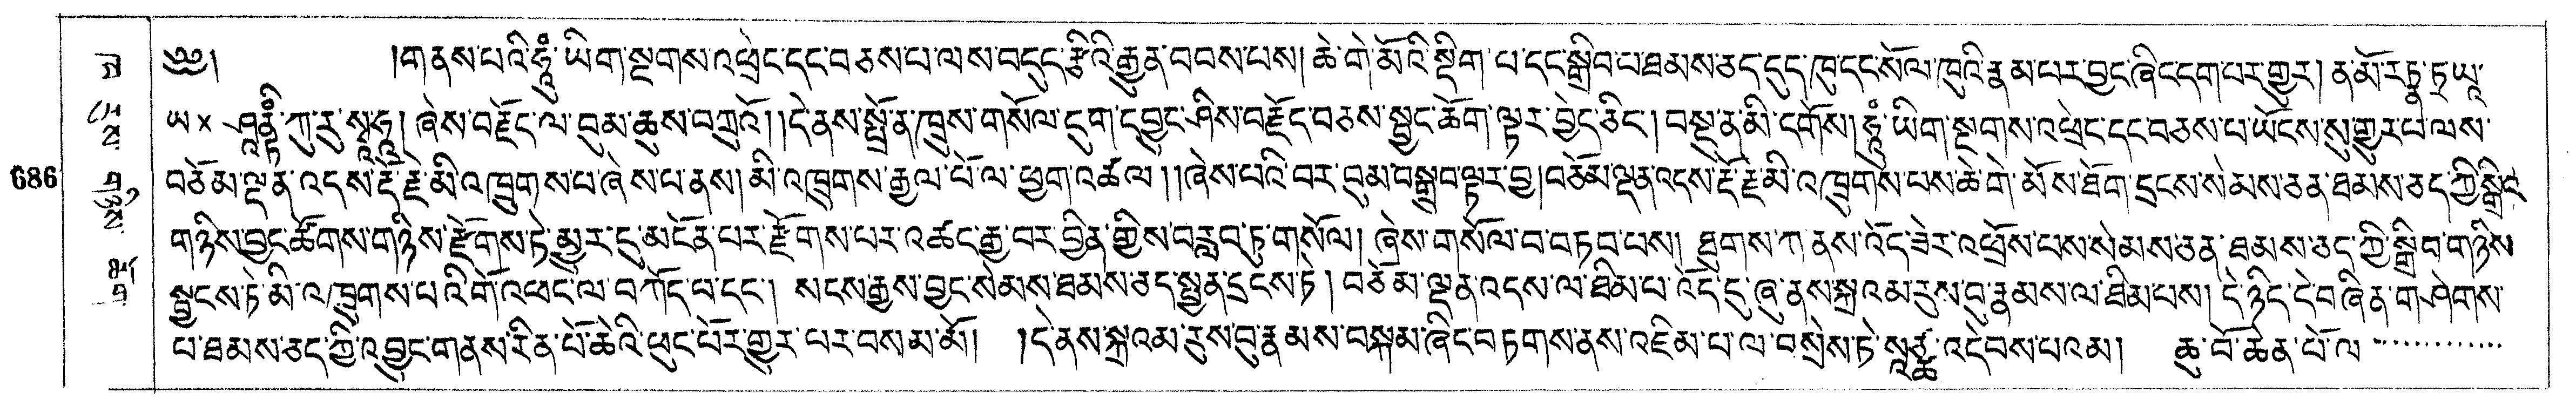༄༅། །གནས་པའི་ཧཱུཾ་ཡིག་སྔགས་འཕྲེང་དང་བཅས་པ་ལས་བདུད་རྩིའི་རྒྱུན་བབས་པས། ཆེ་གེ་མོའི་སྡིག་པ་དང་སྒྲིབ་པ་ཐམས་ཅད་དུད་ཁུ་དང་སོལ་ཁུའི་རྣམ་པར་བྱང་ཞིང་དག་པར་གྱུར། ན་མོ་རཏྣ་ཏྲ་ཡཱ་
ཡ་྾་ཤཱནྟིཾ་ཀུ་རུ་སྭཱ་ཧཱ། ཞེས་བརྗོད་ལ་བུམ་ཆུས་བཀྲུའོ། །དེ་ནས་སྤྲོ་ན་ཁྲུས་གསོལ་དུག་དབྱུང་ཤིས་བརྗོད་བཅས་སྦྱང་ཆོག་ལྟར་བྱེད་ཅིང་། བསྡུ་ན་མི་དགོས། ཧཱུཾ་ཡིག་སྔགས་འཕྲེང་དང་བཅས་པ་ཡོངས་སུ་གྱུར་པ་ལས་
བཅོམ་ལྡན་འདས་རྡོ་རྗེ་མི་འཁྲུགས་པ་ཞེས་པ་ནས། མི་འཁྲུགས་རྒྱལ་པོ་ལ་ཕྱག་འཚལ། །ཞེས་པའི་བར་བུམ་བསྒྲུབ་ལྟར་བྱ། བཅོམ་ལྡན་འདས་རྡོ་རྗེ་མི་འཁྲུགས་པས་ཆེ་གེ་མོས་ཐོག་དྲངས་སེམས་ཅན་ཐམས་ཅད་ཀྱི་སྒྲིབ་
གཉིས་བྱང་ཚོགས་གཉིས་རྫོགས་ཏེ་མྱུར་དུ་མངོན་པར་རྫོགས་པར་འཚང་རྒྱ་བར་བྱིན་གྱིས་བརླབ་ཏུ་གསོལ། ཞེས་གསོལ་བ་བཏབ་པས། ཐུགས་ཀ་ནས་འོད་ཟེར་འཕྲོས་པས་སེམས་ཅན་ཐམས་ཅད་ཀྱི་སྒྲིབ་གཉིས་
སྦྱངས་ཏེ་མི་འཁྲུགས་པའི་གོ་འཕང་ལ་བཀོད་པ་དང་། སངས་རྒྱས་བྱང་སེམས་ཐམས་ཅད་སྤྱན་དྲངས་ཏེ། བཅོམ་ལྡན་འདས་ལ་ཐིམ་པ་འོད་དུ་ཞུ་ནས་སྐྲའམ་རུས་བུ་རྣམས་ལ་ཐིམ་པས། དེ་ཉིད་དེ་བཞིན་གཤེགས་
པ་ཐམས་ཅད་ཀྱི་འབྱུང་གནས་རིན་པོ་ཆེའི་ཕུང་པོར་གྱུར་པར་བསམ་མོ། །དེ་ནས་སྐྲའམ་རུས་བུ་རྣམས་བསྐམ་ཞིང་བཏགས་ནས་འཇིམ་པ་ལ་བསྲེས་ཏེ་སཱ་ཙྪ་འདེབས་པའམ། ཆུ་བོ་ཆེན་པོ་ལ་